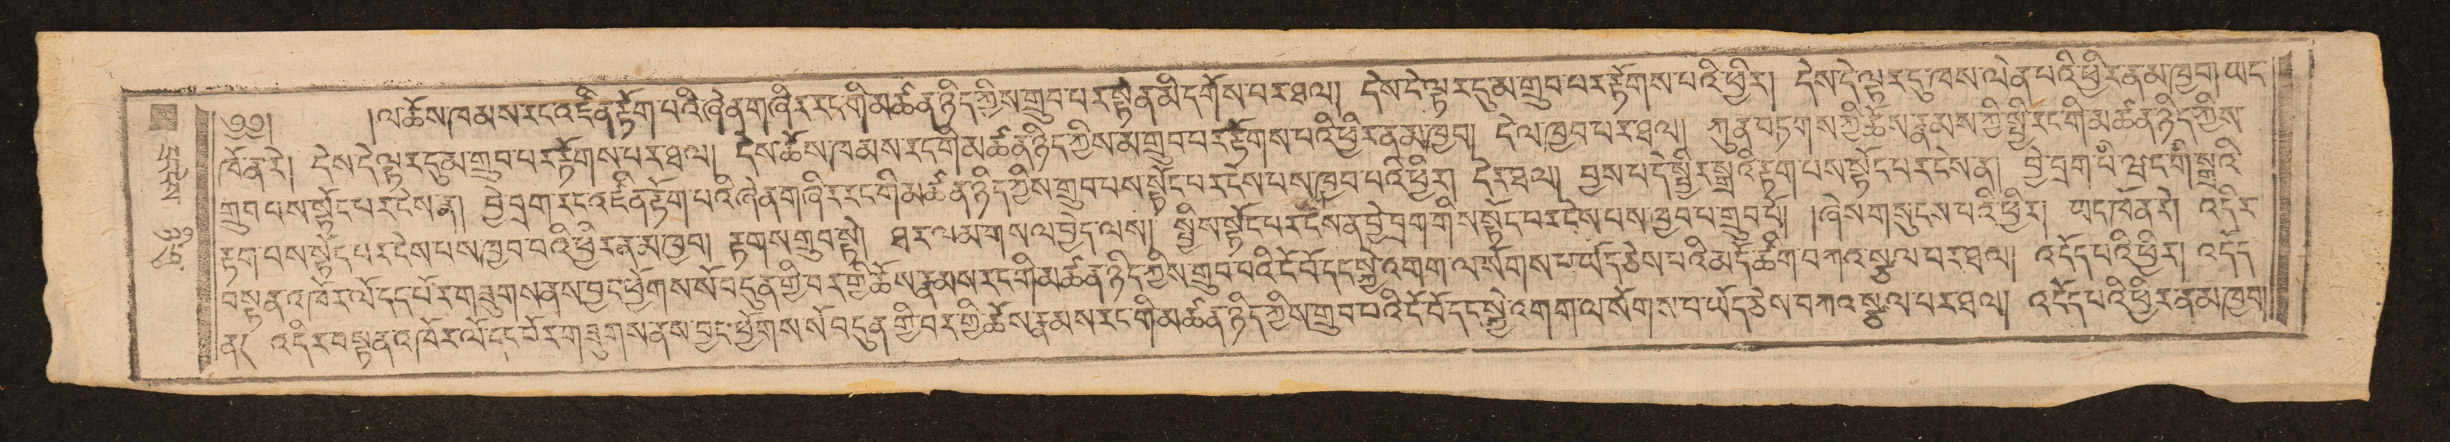༄༅། །ལ་ཆོས་ཁམས་རང་འཛིན་རྟོག་པའི་ཞེན་གཞིར་རང་གི་མཚན་ཉིད་ཀྱིས་གྲུབ་པར་སྟེན་མི་དགོས་པར་ཐལ། དེས་དེ་ལྟར་དུ་མ་གྲུབ་པར་རྟོགས་པའི་ཕྱིར། དེས་དེ་ལྟར་དུ་ཁས་ལེན་པའི་ཕྱིར་ན་མ་ཁྱབ། ཡང་
ཁོ་ན་རེ། དེས་དེ་ལྟར་དུ་མ་གྲུབ་པར་རྟོགས་པར་ཐལ། དེས་ཆོས་ཁམས་རང་གི་མཚན་ཉིད་ཀྱིས་མ་གྲུབ་པར་རྟོགས་པའི་ཕྱིར་ན་མ་ཁྱབ། དེ་ལ་ཁྱབ་པར་ཐལ། ཀུན་བཏགས་ཀྱི་ཆོས་རྣམས་ཀྱི་སྤྱི་རང་གི་མཚན་ཉིད་ཀྱིས་
གྲུབ་པས་སྟོང་པར་ངེས་ན། བྱེ་བྲག་རང་འཛིན་རྟོག་པའི་ཞེན་གཞིར་རང་གི་མཚན་ཉིད་ཀྱིས་གྲུབ་པས་སྟོང་པར་ངེས་པས་ཁྱབ་པའི་ཕྱིར། དེར་ཐལ། བྱས་པ་དེ་སྤྱིར་སྒྲའི་རྟག་པས་སྟོང་པར་ངེས་ན། བྱེ་བྲག་པི་ཝང་གི་སྒྲའི་
རྟག་པས་སྟོང་པར་ངེས་པས་ཁྱབ་པའི་ཕྱིར་ན་མ་ཁྱབ། རྟགས་གྲུབ་སྟེ། ཐར་ལམ་གསལ་བྱེད་ལས། སྤྱིས་སྟོང་པར་ངེས་ན་བྱེ་བྲག་གིས་སྟོང་པར་ངེས་པས་ཁྱབ་པ་གྲུབ་བོ། །ཞེས་གསུངས་པའི་ཕྱིར། ཡང་ཁོ་ན་རེ། འདིར་
བསྟན་འཁོར་ལོ་དང་པོར་གཟུགས་ནས་བྱང་ཕྱོགས་སོ་བདུན་གྱི་བར་གྱི་ཆོས་རྣམས་རང་གི་མཚན་ཉིད་ཀྱིས་གྲུབ་པའི་ངོ་བོ་དང་སྐྱེ་འགག་ལ་སོགས་པ་ཡོད་ཅེས་པའི་མདོ་ཚིག་བཀའ་སྩལ་བར་ཐལ། འདོད་པའི་ཕྱིར། འདོད་
ན༑ འདིར་བསྟན་འཁོར་ལོ་དང་པོར་གཟུགས་ནས་བྱང་ཕྱོགས་སོ་བདུན་གྱི་བར་གྱི་ཆོས་རྣམས་རང་གི་མཚན་ཉིད་ཀྱིས་གྲུབ་བའི་ངོ་བོ་དང་སྐྱེ་འགག་ལ་སོགས་པ་ཡོད་ཅེས་བཀའ་སྩལ་པར་ཐལ། འདོད་པའི་ཕྱིར་ན་མ་ཁྱབ།